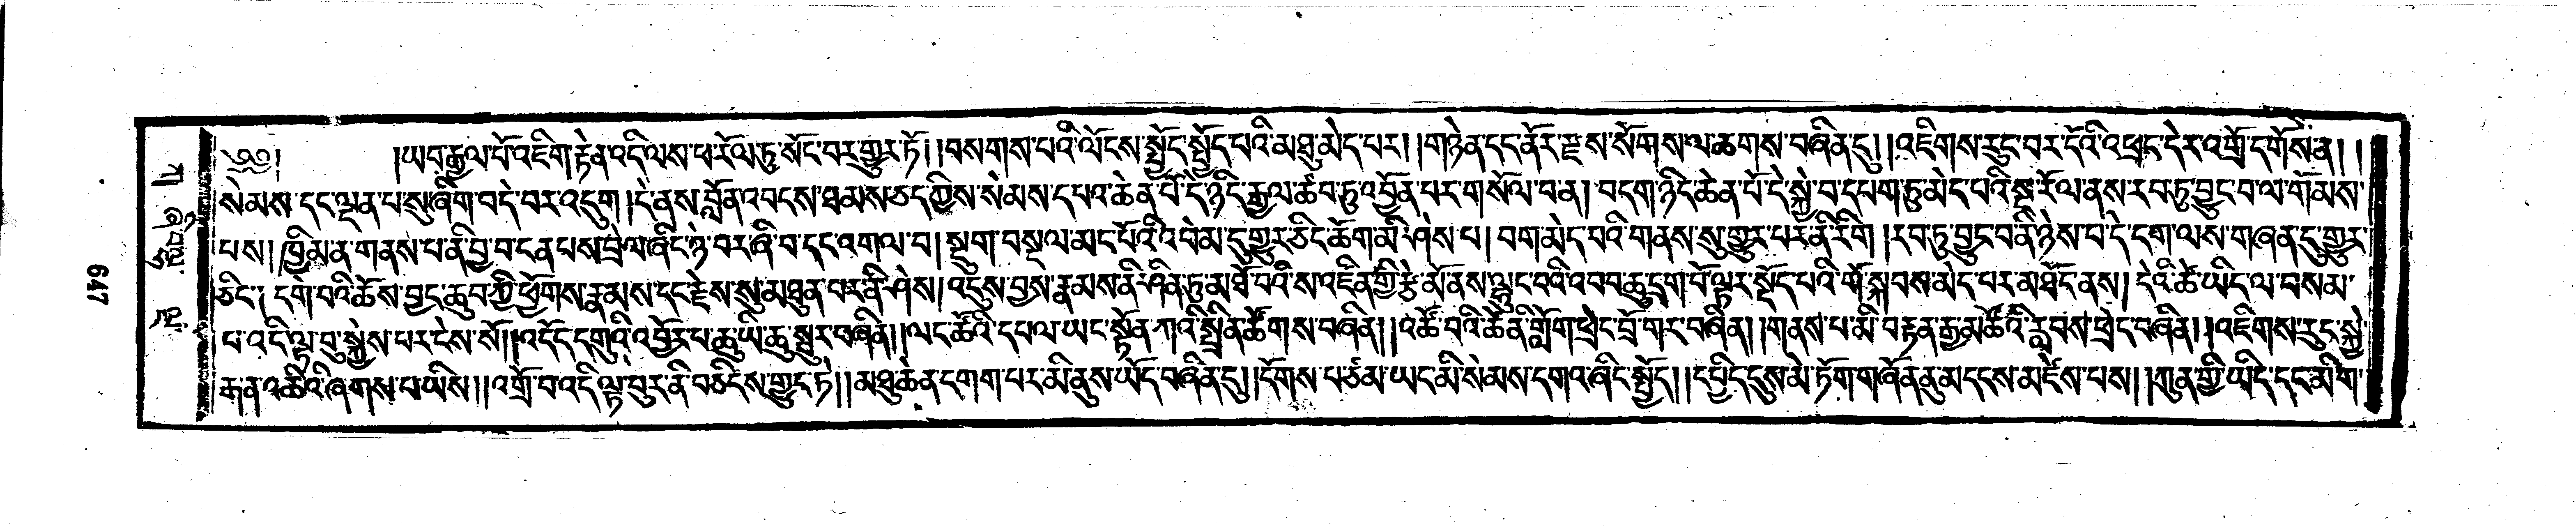༄༅། །ཡབ་རྒྱལ་པོ་འཇིག་རྟེན་འདི་ལས་ཕ་རོལ་ཏུ་སོང་བར་གྱུར་ཏོ། །བསགས་པའི་ལོངས་སྤྱོད་སྤྱོད་པའི་མཐུ་མེད་པར། །གཉེན་དང་ནོར་རྫས་སོགས་ལ་ཆགས་བཞིན་དུ། །འཇིགས་རུང་བར་དོའི་འཕྲང་དེར་འགྲོ་དགོས་ན། །
སེམས་དང་ལྡན་པ་སུ་ཞིག་བདེ་བར་འདུག །དེ་ནས་བློན་འབངས་ཐམས་ཅད་ཀྱིས་སེམས་དཔའ་ཆེན་པོ་དེ་ཉིད་རྒྱལ་ཚབ་ཏུ་འབྱོན་པར་གསོལ་བ་ན། །བདག་ཉིད་ཆེན་པོ་དེ་སྐྱེ་བ་དཔག་ཏུ་མེད་པའི་སྔ་རོལ་ནས་རབ་ཏུ་བྱུང་བ་ལ་གོམས་
པས། ཁྱིམ་ན་གནས་པ་ནི་བྱ་བ་ངན་པས་བྲེལ་ཞིང་ཉེ་བར་ཞི་བ་དང་འགལ་བ། སྡུག་བསྔལ་མང་པོའི་འབེམ་དུ་གྱུར་ཅིང་ཆོག་མི་ཤེས་པ། བག་མེད་པའི་གནས་སུ་གྱུར་པར་ནི་རིག །རབ་ཏུ་བྱུང་བ་ནི་ཉེས་པ་དེ་དག་ལས་གཞན་དུ་གྱུར་
ཅིང་། དགེ་བའི་ཆོས་བྱང་ཆུབ་ཀྱི་ཕྱོགས་རྣམས་དང་རྗེས་སུ་མཐུན་པར་ནི་ཤེས། འདུས་བྱས་རྣམས་ནི་ཤིན་ཏུ་མཐོ་བའི་ས་འཛིན་གྱི་རྩེ་མོ་ནས་ལྷུང་བའི་འབབ་ཆུ་དྲག་པོ་ལྟར་སྡོད་པའི་གོ་སྐབས་མེད་པར་མཐོང་ནས། དེའི་ཚེ་ཡིད་ལ་བསམ་
པ་འདི་ལྟ་བུ་སྐྱེས་པར་ངེས་སོ། །འདོད་དགུའི་འབྱོར་པ་ཆུ་ཡི་ཆུ་སྦུར་བཞིན། །ལང་ཚོའི་དཔལ་ཡང་སྟོན་ཀའི་སྤྲིན་ཚོགས་བཞིན། །འཚོ་བའི་ཚེ་ནི་གློག་ཕྲེང་བྲོ་གར་བཞིན། །གནས་པ་མི་བརྟན་རྒྱ་མཚོའི་རླབས་ཕྲེང་བཞིན། །འཇིགས་རུང་སྐྱེ་
རྒ་ན་འཆིའི་ཞགས་པ་ཡིས། །འགྲོ་བ་འདི་ལྟ་བུར་ནི་བཅིངས་གྱུར་ཏེ། །མཐུ་ཆེན་དགག་པར་མི་ནུས་ཡོད་བཞིན་དུ། །དོགས་པ་ཙམ་ཡང་མི་སེམས་དགའ་ཞིང་སྤྱོད། །དཔྱིད་དུས་མེ་ཏོག་གཞོན་ནུ་མདངས་མཛེས་པས། །ཀུན་གྱི་ཡིད་དང་མིག་